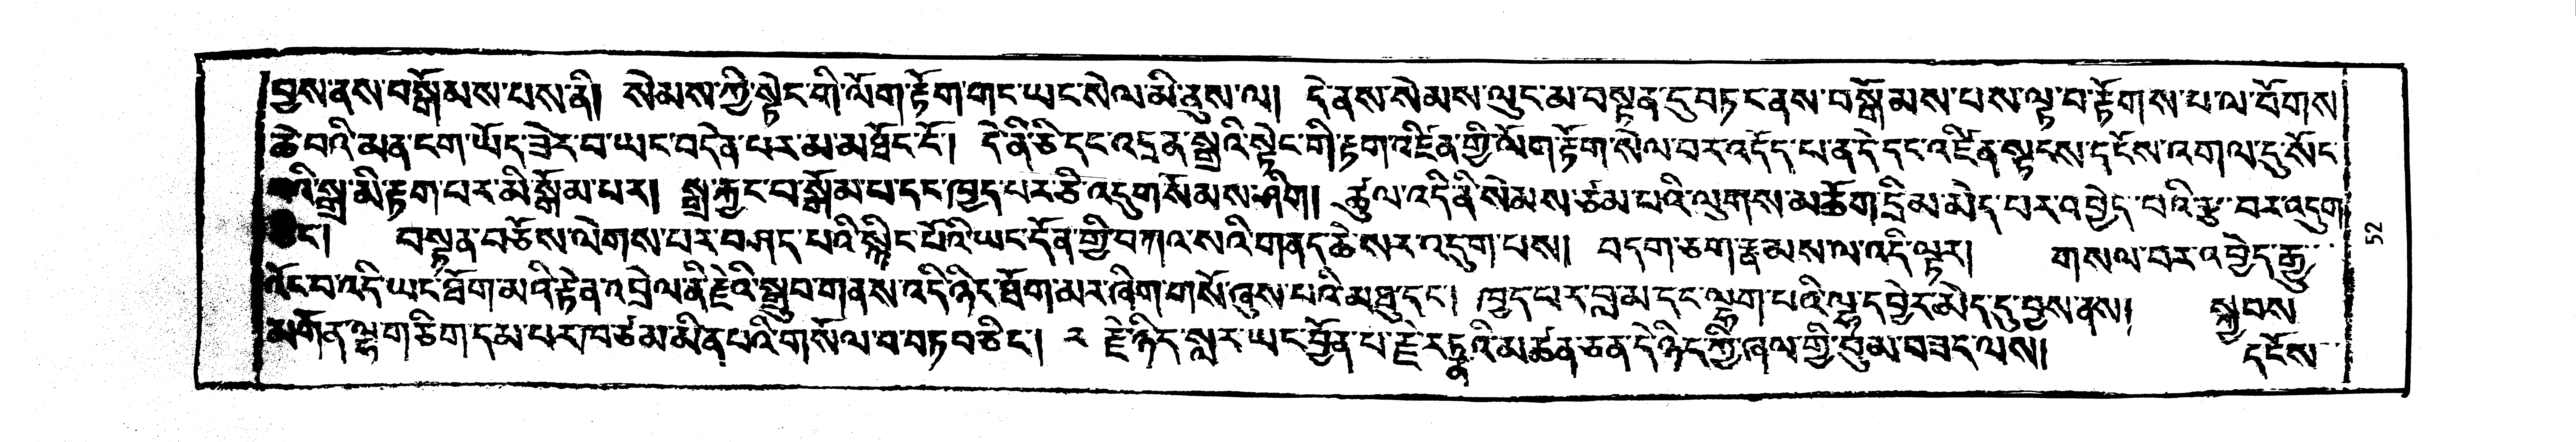བྱས་ནས་བསྒོམས་པས་ནི། སེམས་ཀྱི་སྟེང་གི་ལོག་རྟོག་གང་ཡང་སེལ་མི་ནུས་ལ། དེ་ནས་སེམས་ལུང་མ་བསྟན་དུ་བཏང་ནས་བསྒོམས་པས་ལྟ་བ་རྟོགས་པ་ལ་བོགས་
ཆེ་བའི་མན་ངག་ཡོད་ཟེར་བ་ཡང་བདེན་པར་མ་མཐོང་ངོ། དེ་ནི་ཅི་དང་འདྲན་སྒྲའི་སྟེང་གི་རྟག་འཛིན་གྱི་ལོག་རྟོག་སེལ་བར་འདོད་པ་ན་དེ་དང་འཛིན་སྟངས་དངོས་འགལ་དུ་སོང་
བའི་སྒྲ་མི་རྟག་པར་མི་སྒོམ་པར། སྒྲ་རྐྱང་བ་སྒོམ་པ་དང་ཁྱད་པར་ཅི་འདུག་སེམས་ཤིག །ཚུལ་འདི་ནི་སེམས་ཙམ་པའི་ལུགས་མཆོག་དྲི་མ་མེད་པར་འབྱེད་པའི་རྩ་བར་འདུག་
ཅིང་། བསྟན་བཅོས་ལེགས་པར་བཤད་པའི་སྙིང་པོའི་ཡང་དོན་གྱི་བཀའ་སའི་གནད་ཆེ་སར་འདུག་པས། བདག་ཅག་རྣམས་ལ་འདི་ལྟར། གསལ་བར་འབྱེད་རྒྱུ་
འོང་བ་འདི་ཡང་ཐོག་མའི་རྟེན་འབྲེལ་ནི་རྗེའི་སྒྲུབ་གནས་འདི་ཉིད་ཐོག་མར་ཞིག་གསོ་ཞུས་པའི་མཐུ་དང་། ཁྱད་པར་བླ་མ་དང་ལྷག་པའི་ལྷ་དབྱེར་མེད་དུ་བྱས་ནས། སྐྱབས་
མགོན་ལྷ་གཅིག་དམ་པར་ཁ་ཙམ་མིན་པའི་གསོལ་བ་བཏབ་ཅིང་། ༢་རྗེ་ཉིད་སླར་ཡང་བྱོན་པ་རྗེ་རཏྣའི་མཚན་ཅན་དེ་ཉིད་ཀྱི་ཞལ་གྱི་བུམ་བཟད་ལས། དངོས་